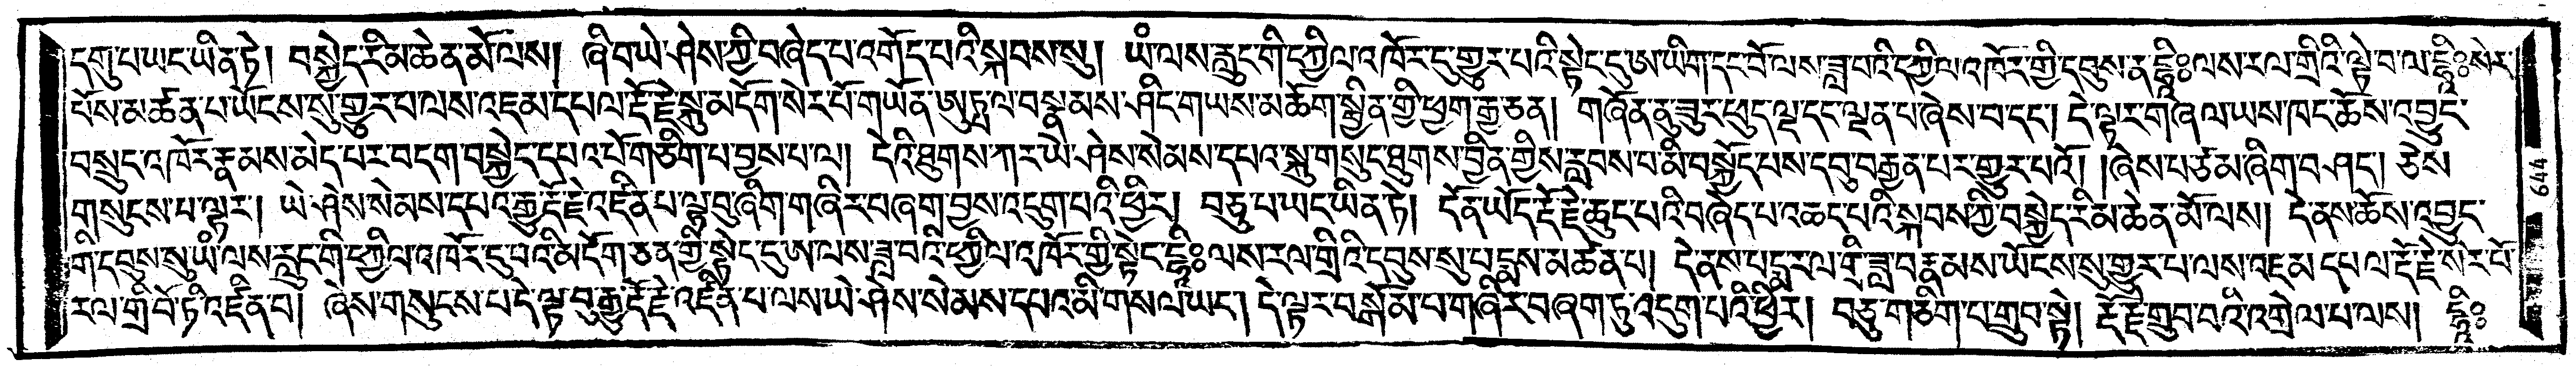དགུ་པ་ཡང་ཡིན་ཏེ། བསྐྱེད་རིམ་ཆེན་མོ་ལས། ཞི་བ་ཡེ་ཤེས་ཀྱི་བཞེད་པ་འགོད་པའི་སྐབས་སུ། ཡཾ་ལས་རླུང་གི་དཀྱིལ་འཁོར་དུ་གྱུར་པའི་སྟེང་དུ་ཨ་ཡིག་དང་པོ་ལས་ཟླ་བའི་དཀྱིལ་འཁོར་གྱི་དབུས་ན་དྷཱིཿལས་རལ་གྲིའི་ལྟེ་བ་ལ་དྷཱིཿསེར་
པོས་མཚན་པ་ཡོངས་སུ་གྱུར་པ་ལས་འཇམ་དཔལ་རྡོ་རྗེ་སྐུ་མདོག་སེར་པོ་གཡོན་ཨུཏྤལ་བསྣམས་ཤིང་གཡས་མཆོག་སྦྱིན་གྱི་ཕྱག་རྒྱ་ཅན། གཞོན་ནུ་ཟུར་ཕུད་ལྔ་དང་ལྡན་པ་ཞེས་པ་དང་། དེ་ལྟར་གཞལ་ཡས་ཁང་ཆོས་འབྱུང་
བསྲུང་འཁོར་རྣམས་མེད་པར་བདག་བསྐྱེད་དཔའ་བོ་གཅིག་པ་བྱས་པ་ལ། དེའི་ཐུགས་ཀར་ཡེ་ཤེས་སེམས་དཔའ་སྐུ་གསུང་ཐུགས་བྱིན་གྱིས་རླབས་བ་མི་བསྐྱོད་པས་དབུ་བརྒྱན་པར་གྱུར་པའོ། །ཞེས་པ་ཙམ་ཞིག་བཤད། ཅེས་
གསུངས་པ་ལྟར། ཡེ་ཤེས་སེམས་དཔའ་རྒྱུ་རྡོ་རྗེ་འཛིན་པ་ལྟ་བུ་ཞིག་གཞིར་བཞག་བྱས་འདུག་པའི་ཕྱིར། བཅུ་པ་ཡང་ཡིན་ཏེ། དོན་ཡོད་རྡོ་རྗེ་ཆུང་པའི་བཞེད་པ་འཆད་པའི་སྐབས་ཀྱི་བསྐྱེད་རིམ་ཆེན་མོ་ལས། དེ་ནས་ཆོས་འབྱུང་
གི་དབུས་སུ་ཡཾ་ལས་རླུང་གི་དཀྱིལ་འཁོར་དུ་བའི་མདོག་ཅན་གྱི་སྟེང་དུ་ཨ་ལས་ཟླ་བའི་དཀྱིལ་འཁོར་གྱི་སྟེང་དྷཱིཿལས་རལ་གྲིའི་དབུས་སུ་པདམས་མཚན་པ། དེ་ནས་པདམ་རལ་གྲི་ཟླ་བ་རྣམས་ཡོངས་སུ་གྱུར་པ་ལས་འཇམ་དཔལ་རྡོ་རྗེ་སེར་པོ་
རལ་གྲི་བོ་ཏི་འཛིན་པ། ཞེས་གསུངས་པ་དེ་ལྟ་བུ་རྒྱུ་རྡོ་རྗེ་འཛིན་པ་ལས་ཡེ་ཤེས་སེམས་དཔའ་མི་གསལ་ཡང་། དེ་ལྟར་བསྒོམ་པ་གཞིར་བཞག་ཏུ་འདུག་པའི་ཕྱིར། བཅུ་གཅིག་པ་གྲུབ་སྟེ། རྡོ་རྗེ་གྲུབ་བའི་འགྲེལ་པ་ལས། དྷཱིཿ